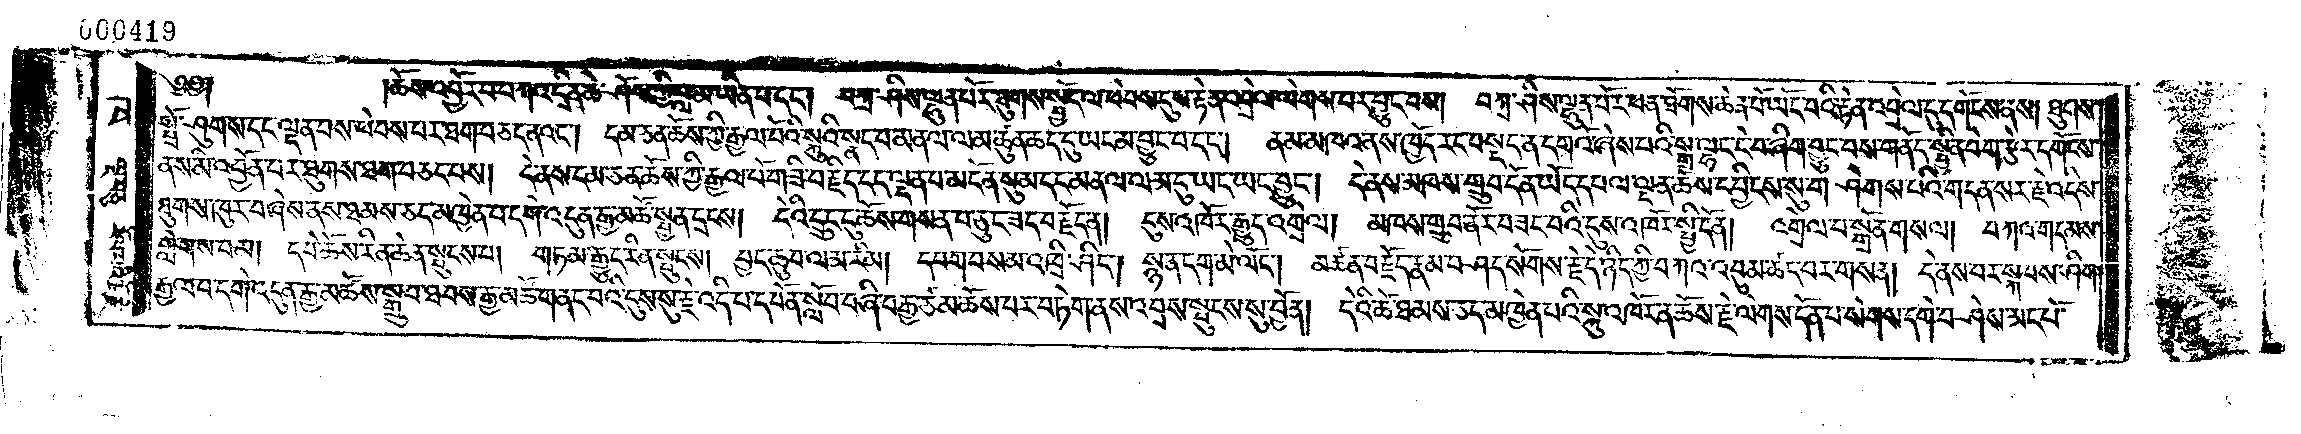༄༅། །ཆོས་འབྱོར་བ་བཀའ་དྲིན་ཆེ་ཤོས་ཀྱི་བླ་མ་ཡིན་པ་དང་། བཀྲ་ཤིས་ལྷུན་པོར་ཐུགས་སྤྱོད་ལ་ཕེབས་དུས་རྟེན་འབྲེལ་ལེགས་པར་བྱུང་བས། བཀྲ་ཤིས་ལྷུན་པོར་ཕན་ཐོགས་ཆེན་པོ་ཡོང་པའི་རྟེན་འབྲེལ་དུ་དགོངས་ནས། ཐུགས་
སྤྲོ་ཤུགས་དང་ལྡན་པས་ཕེབས་བར་ཐག་བཅད་ནའང་། དམ་ཅན་ཆོས་ཀྱི་རྒྱལ་པོའི་སྐུའི་སྣང་བ་མནལ་ལམ་ཚུན་ཆད་དུ་ཡང་མ་བྱུང་བ་དང་། ནམ་མཁའ་ནས་ཁྱོད་རང་བསྡད་ན་དགའོ་ཞེས་པའི་སྒྲ་ལྷང་དེ་བཞིག་བྱུང་བས་གནོད་སྦྱིན་བེག་རྩེར་དགོངས་
ནས་མི་འབྱོན་པར་ཐུགས་ཐག་བཅད་པས། དེ་ནས་དམ་ཅན་ཆོས་ཀྱི་རྒྱལ་པོ་གཟི་བརྗིད་དང་ལྡན་པ་མངོན་སུམ་དང་མནལ་ལམ་དུ་ཡང་ཡང་བྱུང་། དེ་ནས་མཁས་གྲུབ་དོན་ཡོད་དཔལ་ལྡན་ཆོས་དབྱིངས་སུ་གཤེགས་པའི་གདན་སར་རྗེ་འདིས་
ཐུགས་ཁུར་བཞེས་ནས་ཐམས་ཅད་མཁྱེན་པ་དགེ་འདུན་རྒྱ་མཚོ་སྤྱན་དྲངས། དེའི་དྲུང་དུ་ཆོས་གསན་པ་ཅུང་ཟད་བརྗོད་ན། དུས་འཁོར་རྒྱུད་འགྲེལ། མཁས་གྲུབ་ནོར་བཟང་བའི་དུས་འཁོར་སྤྱི་དོན། འགྲེལ་པ་སྒྲོན་གསལ། བཀའ་གདམས་
གླེགས་བམ། དཔེ་ཆོས་རིན་ཆེན་སྤུངས་པ། གཏམ་རྒྱུད་རིན་སྤུངས། བྱང་ཆུབ་ལམ་རིམ། དཔག་བསམ་འཁྲི་ཤིང་། སྙན་དག་མེ་ལོང་། མཚན་བརྗོད་རྣམ་བཤད་སོགས་རྗེ་དེ་ཉིད་ཀྱི་བཀའ་འབུམ་ཚད་པར་གསན། དེ་ནས་བར་སྐབས་ཤིག་
རྒྱལ་བ་དགེ་འདུན་རྒྱ་མཚོས་སྒྲུབ་ཐབས་རྒྱ་མཚོ་གནང་བའི་དུས་སུ་རྗེ་འདི་པ་དཔོན་སློབ་བཞི་བརྒྱ་ཙམ་ཆོས་བར་བཏེག་ནས་འབྲས་སྤུངས་སུ་བྱོན། དེའི་ཚེ་ཐམས་ཅད་མཁྱེན་པའི་སྐུ་འཁོར་ན་ཆོས་རྗེ་ལེགས་དོན་པ་སོགས་དགེ་བཤེས་མང་པོ་